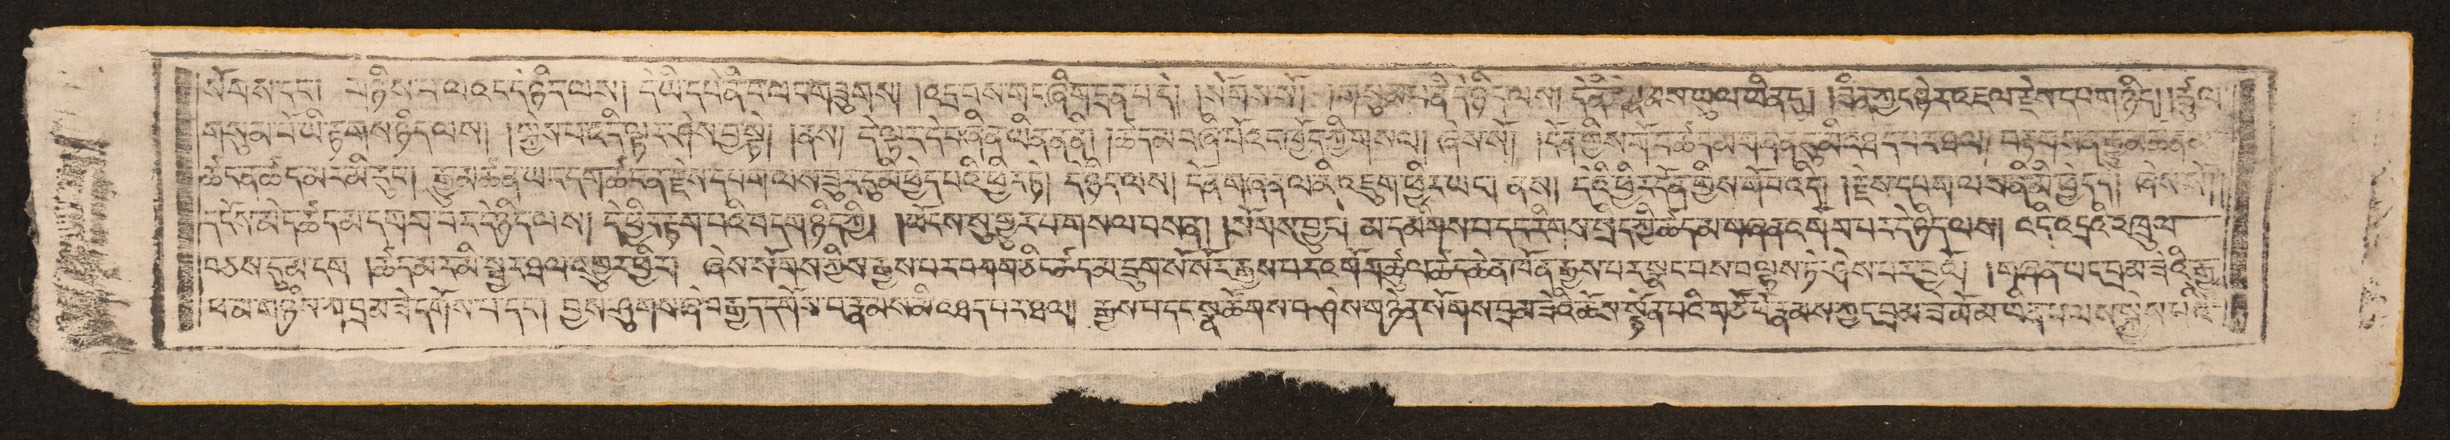སོགས་དང་། གཉིས་པ་ལའང་དེ་ཉིད་ལས། དེ་ཡི་དཔེ་ནི་བ་ལང་གཟུགས། །འདྲ་བས་?་ཞིག་དྲན་པ་དེ། །སོགས་སོ། །གསུམ་པ་ནི་དེ་ཉིད་ལས། དེ་ནི་དེ་རྣམས་ཡུལ་ཡིན་དུ། །ཟིན་ཀྱང་ཉེར་འཇལ་རྗེས་དཔག་ཉིད། །ཚུལ་
གསུམ་པོ་ཡི་རྟགས་ཉིད་ལས། །སྐྱེས་པ་འདི་ལྟར་ཤེས་བྱ་སྟེ། །ནས། དེ་ལྟར་དེ་བཞིན་ཡིན་ན་ནི། །ཚད་མ་བཞི་པོའང་ཁྱོད་ཀྱི་གསལ། ཞེས་སོ། །དོན་གྱིས་གོ་བ་ཚད་མ་གཞན་དུ་མི་འཐད་པར་ཐལ། བརྟགས་ན་རྒྱུ་མཚན་མ་
ཚད་ན་ཚད་མར་མི་རུང་། རྒྱུ་མཚན་ཡང་དག་ཚད་ན་རྗེས་དཔག་ལས་ཟུར་དུ་མི་ཕྱེད་པའི་ཕྱིར་ཏེ། དེ་ཉིད་ལས། དོན་གཞན་ལ་ནི་འཇུག་ཕྱིར་ཡང་། ནས། དེའི་ཕྱིར་དོན་གྱིས་གོ་བ་འདི། །རྗེས་དཔག་ལས་ནི་མི་ཕྱེད་དོ། ཞེས་སོ།།
དངོས་མེད་ཚད་མ་དགག་པར་དེ་ཉིད་ལས། དེ་ཕྱིར་རྟག་པའི་བདག་ཉིད་ཀྱི། །ཡོངས་སུ་གྱུར་པ་གསལ་བས་ན། །སོགས་བྱུང་། མ་དམིགས་པ་དང་རིགས་སྲིད་ཀྱི་ཚད་མ་གཞན་འགོག་པར་དེ་ཉིད་ལས། འདི་འདྲའི་འཁྲུལ་
བཅས་དུ་མ་དག །ཚད་མར་མི་སྦྱར་ཐལ་འགྱུར་ཕྱིར། ཞེས་སོགས་ཀྱིས་རྒྱས་པར་བཀག་ཅིང་ཚད་མ་དྲུག་སོ་སོར་རྒྱས་པར་འགོག་ཚུལ་ཚད་ཆེན་ཁོ་ན་རྒྱས་པར་སྣང་བས་བལྟས་ཏེ་ཤེས་པར་བྱའོ། །གཞན་ཡང་བྲམ་ཟེའི་རྒྱུ་
ཕ་མ་གཉིས་ཀ་བྲམ་ཟེ་དགོས་པ་དང་། བྱས་ཤུགས་ཞེ་བརྒྱད་དགོས་པ་རྣམས་མི་འཐད་པར་ཐལ། རྒྱས་པ་དང་སྣ་ཚོགས་བཤེས་གཉེན་སོགས་བྲམ་ཟེའི་ཆོས་སྟོན་པའི་གཙོ་བོ་རྣམས་ཀྱང་བྲམ་ཟེ་མོ་མ་ཡིན་པ་ལས་སྐྱེས་པའི་